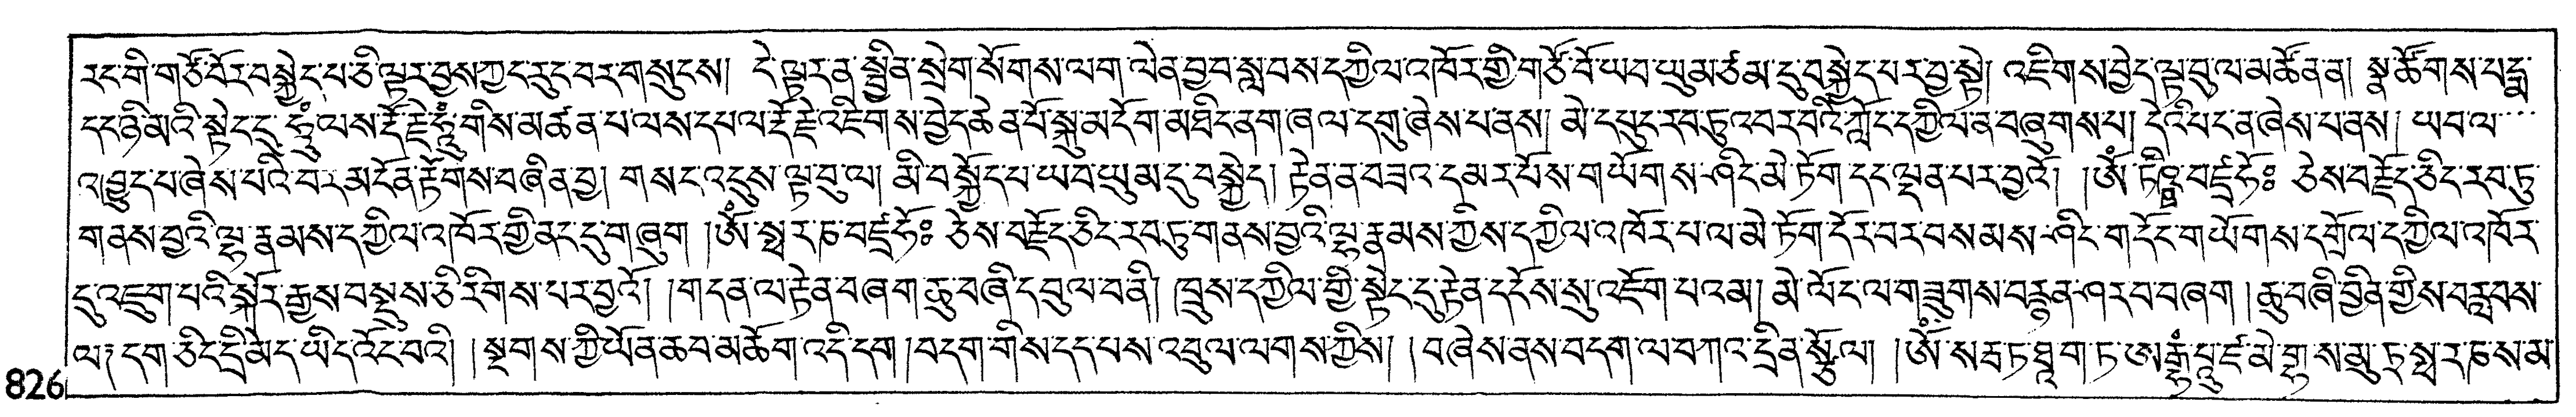རང་གི་གཙོ་བོར་བསྐྱེད་པ་ཅི་ལྟར་བྱས་ཀྱང་རུང་བར་གསུངས། དེ་ལྟར་ན་སྦྱིན་སྲེག་སོགས་ལག་ལེན་བྱ་བ་སླ་བས་དཀྱིལ་འཁོར་གྱི་གཙོ་བོ་ཡབ་ཡུམ་ཙམ་དུ་བསྐྱེད་པར་བྱ་སྟེ། འཇིགས་བྱེད་ལྟ་བུ་ལ་མཚོན་ན། སྣ་ཚོགས་པདམ་
དང་ཉི་མའི་སྟེང་དུ་ཧཱུཾ་ལས་རྡོ་རྗེ་ཧཱུཾ་གིས་མཚན་པ་ལས་དཔལ་རྡོ་རྗེ་འཇིགས་བྱེད་ཆེན་པོ་སྐུ་མདོག་མཐིང་ནག་ཞལ་དགུ་ཞེས་པ་ནས། མེ་དཔུང་རབ་ཏུ་འབར་བའི་ཀློང་དཀྱིལ་ན་བཞུགས་པ། དེའི་པང་ན་ཞེས་པ་ནས། ཡབ་ལ་
འཁྱུད་པ་ཞེས་པའི་བར་མངོན་རྟོགས་བཞིན་བྱ། གསང་འདུས་ལྟ་བུ་ལ། མི་བསྐྱོད་པ་ཡབ་ཡུམ་དུ་བསྐྱེད། རྟེན་ན་བཟའ་དམར་པོས་གཡོགས་ཤིང་མེ་ཏོག་དང་ལྡན་པར་བྱའོ། །ཨོཾ་ཏིཥཊཿཨ་བཛྲ་ཧོཿ ཅེས་བརྗོད་ཅིང་རབ་ཏུ་
གནས་བྱའི་ལྷ་རྣམས་དཀྱིལ་འཁོར་གྱི་ནང་དུ་གཞུག །ཨོཾ་སྥར་ཎ་བཛྲ་ཧོཿ ཅེས་བརྗོད་ཅིང་རབ་ཏུ་གནས་བྱའི་ལྷ་རྣམས་ཀྱིས་དཀྱིལ་འཁོར་པ་ལ་མེ་ཏོག་དོར་བར་བསམས་ཤིང་གདོང་གཡོགས་དགྲོལ་དཀྱིལ་འཁོར་
དུ་འཇུག་པའི་སྐོར་རྒྱས་བསྡུས་ཅི་རིགས་པར་བྱའོ། །གདན་ལ་རྟེན་བཞག་ཆུ་བཞི་དབུལ་བ་ནི། ཁྲུས་དཀྱིལ་གྱི་སྟེང་དུ་རྟེན་དངོས་སུ་འཇོག་པའམ། མེ་ལོང་ལ་གཟུགས་བརྙན་ཤར་བ་བཞག །ཆུ་བཞི་བྱིན་གྱིས་བརླབས་
ལ། དག་ཅིང་དྲི་མེད་ཡིད་འོང་བའི། །སྔགས་ཀྱི་ཡོན་ཆབ་མཆོག་འདི་དག །བདག་གིས་དད་པས་འབུལ་ལགས་ཀྱིས། །བཞེས་ནས་བདག་ལ་བཀའ་དྲིན་སྩོལ། །ཨོཾ་སརྦ་ཏ་ཐཱ་ག་ཏ་ཨརྒྷཾ་པཱུ་ཛ་མེ་གྷ་ས་མུ་ཏྲ་སྥ་ར་ཎ་ས་མ་